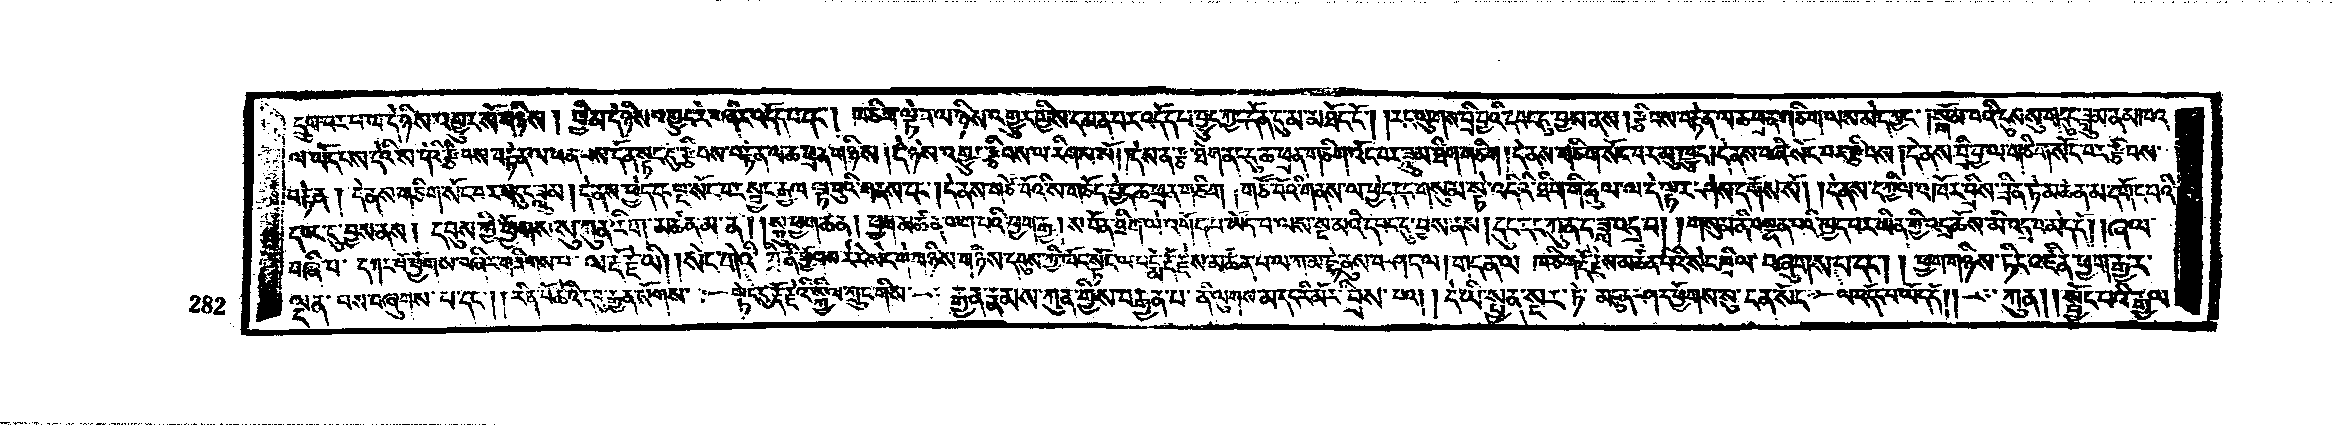དྲུག་བར་པ་ལ་དེ་ཉིས་འགྱུར་སོ་གཉིས། ཕྱི་མ་དེ་ཉིས་འགྱུར་རེ་བཞིར་འདོད་པ་དང་། ཁ་ཅིག་ལྟེ་བ་ལ་ཉིས་འགྱུར་གྱིས་དམན་པར་འདོད་པ་བྱུང་ཀྱང་དོན་དུ་མ་མཐོང་ངོ། །རང་ལུགས་བྲི་བྱའི་དབང་དུ་བྱས་ནས། རྩིབས་བརྟེན་ལ་ཆ་ཕྲན་གཅིག་ལས་མེད་ཀྱང་། སྒོམ་པའི་དུས་སུ་གདུང་ཟླུམ་ནམ་མཁའ་
ལ་ཡོད་པས་དེའི་ས་དེའི་རྩིབས་བརྟེན་ལ་ཕན་པས་དོན་སྟང་དུ་རྩིབས་བརྟེན་ལ་ཆ་ཕྲན་གཉིས། དེ་ཉིས་འགྱུར་རྩིབས་ལ་རིགས་སོ། །དེ་ན་རྩ་ཐིག་ནང་དུ་ཆ་ཕྲན་གཅིག་འོང་བར་ཟླུམ་ཐིག་གཅིག །དེ་ནས་གཅིག་སོང་བར་མུ་ཁྱུད། དེ་ནས་བཞི་སོང་བར་རྩིབས། དེ་ནས་བྲི་བྱ་ལ་གཅིག་སོང་བར་རྩིབས་
བརྟེན། དེ་ནས་གཅིག་སོང་བར་གདུང་ཟླུམ། དེ་ནས་ཕྱེད་དང་ལྔ་སོང་བར་སྦྱང་རྒྱལ་ལྟ་བུའི་གནས་དང་། དེ་ནས་གཙོ་བོའི་ས་གཅོད་བྱེད་ཆ་ཕྲན་གཅིག །གཙོ་བོའི་གནས་ལ་ཕྱེད་དང་གསུམ་སྟེ་འདིའི་ཐིག་གི་ཆུལ་ལ་དེ་ལྟར་ཤེས་དགོས་སོ། །དེ་ནས་དཀྱིལ་འཁོར་བྲིས་ཟིན་ཏེ་མཚན་མ་དགོང་པའི་
དབང་དུ་བྱས་ནས། དབུས་ཀྱི་ཕྱོགས་སུ་ཀུན་རིག་མཚན་མ་ནི། །སྐུ་ཕྱག་ཚན། ཕྱག་མཚན་ལག་པའི་ཕྱག་རྒྱ། ས་བོན་ཐིག་ལེ་འགོད་པ་ཡོད་པ་ལས་སྔ་མའི་དབང་དུ་བྱས་ནས་དུང་དང་ཀུན་ད་ཟླ་འདྲ་བ། །གསུམ་ནི་བསྣན་པའི་ཁྱད་པར་ཡིན་གྱི་འདྲ་ཆོས་མི་འདྲ་བ་མེད་དོ། །ཞལ་
བཞི་པ་དཀར་པོ་ཕྱོགས་བཞིར་གཟིགས་པ་ལ་རྡོ་རྗེ་ཡི། །སེང་གེའི་གྲི་ནི་ཕྱོགས་རེ་རེ་སེང་གེ་གཉིས་གཉིས་དབུས་ཀྱི་ཁོང་སྟོང་ལ་པདམོ་རྡོ་རྗེས་མཚན་པ་ལ་ཀ་མ་དྷེ་ནུས་བཤད་ལ། གདན་ལ། ཁ་ཅིག་རྡོ་རྗེས་མཚན་པའི་སེང་ཁྲི་ལ་བཞུགས་པ་དང་། །ཕྱག་གཉིས་ཏིང་འཛིན་ཕྱག་རྒྱ་ར་
ལྡན་པས་བཞུགས་པ་དང་། །རིན་པོ་ཆེའི་དབུ་རྒྱན་སོགས་སྟེང་དུ་རྡོ་རྗེའི་སྐྱིལ་ཀྲུང་གིས་རྒྱན་རྣམས་ཀུན་གྱིས་བརྒྱན་པ་ནི་ལུགས་མ་དང་རི་མོར་བྲིས་པའོ། །དེ་ཡི་སྤྱན་སྔར་ཏེ་མདུན་ཤར་ཕྱོགས་སུ་ངན་སོང་ལ་འདོད་པ་ཡོད་དོ། །ཀུན། །སྦྱོང་བའི་རྒྱལ་